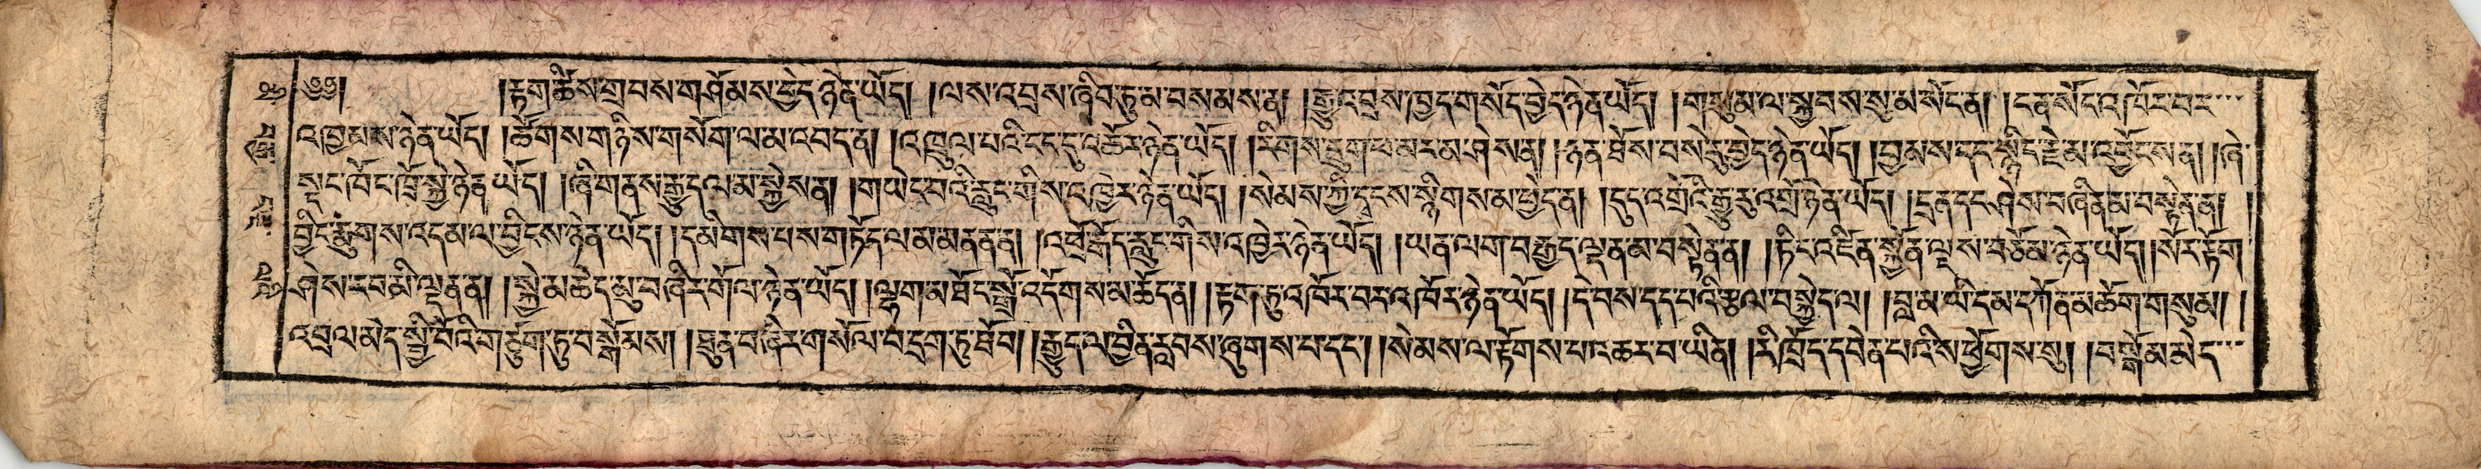རྟག་ཚིས་གྲབས་གཤོམས་བྱེད་ཉེན་ཡོད། །ལས་འབྲས་ཞིབ་ཏུ་མ་བསམས་ན། །རྒྱུ་འབྲས་ཁྱད་གསོད་བྱེད་ཉེན་ཡོད། །གསུམ་ལ་སྐྱབས་སུ་མ་སོང་ན། །ངན་སོང་འཁོར་བར་
འཁྱམས་ཉེན་ཡོད། །ཚོགས་གཉིས་གསོག་ལ་མ་འབད་ན། །འཁྲུལ་པའི་ངང་དུ་འཆོར་ཉེན་ཡོད། །རིགས་དྲུག་ཕ་མར་མ་ཤེས་ན། །ཉན་ཐོས་བསེ་རུ་བྱེད་ཉེན་ཡོད། །བྱམས་དང་སྙིང་རྗེ་མ་འཕྱོངས་ན། །ཞེ་
སྡང་ཁོང་ཁྲོ་སྐྱེ་ཉེན་ཡོད། །ཞི་གནས་རྒྱུད་ལ་མ་སྐྱེས་ན། །གཡེང་བའི་རླུང་གིས་འཁྱེར་ཉེན་ཡོད། །སེམས་ཀྱི་དྭངས་སྙིགས་མ་ཕྱེད་ན། །དུད་འགྲོའི་རྒྱུ་རུ་འགྲོ་ཉེན་ཡོད། །དྲན་དང་ཤེས་བཞིན་མ་བསྟེན་ན། །
བྱིང་རྨུགས་འདམ་ལ་བྱིངས་ཉེན་ཡོད། །དམིགས་པས་གཏོད་ལ་མ་མནན་ན། །འཕྲོ་རྒོད་རླུང་གིས་འཁྱེར་ཉེན་ཡོད། །ཡན་ལག་བརྒྱད་ལྡན་མ་བསྟེན་ན། །ཏིང་འཛིན་སྐྱོན་ལྔས་བཅོམ་ཉེན་ཡོད། །སོར་རྟོག་
ཤེས་རབ་མི་ལྡན་ན། །སྐྱེ་མཆེད་མུ་བཞིར་གོལ་ཉེན་ཡོད། །ལྷག་མཐོང་སྒྲོ་འདོགས་མ་ཆོད་ན། །རྟག་ཏུ་འཁོར་བར་འཁོར་ཉེན་ཡོད། །དེ་བས་དད་པའི་རྩལ་བསྐྱེད་ལ། །བླ་མ་ཡི་དམ་དཀོན་མཆོག་གསུམ། །
འབྲལ་མེད་སྦྱི་བོའི་གཙུག་ཏུ་བསྒོམས། །ཐུན་བཞིར་གསོལ་བ་དྲག་ཏུ་ཐོབ། །རྒྱུད་ལ་བྱིན་རླབས་ཞུགས་པ་དང་། །སེམས་ལ་རྟོགས་པ་འཆར་བ་ཡིན། །རི་ཁྲོད་དབེན་པའི་ས་ཕྱོགས་སུ། །བསྒོམ་མེད་